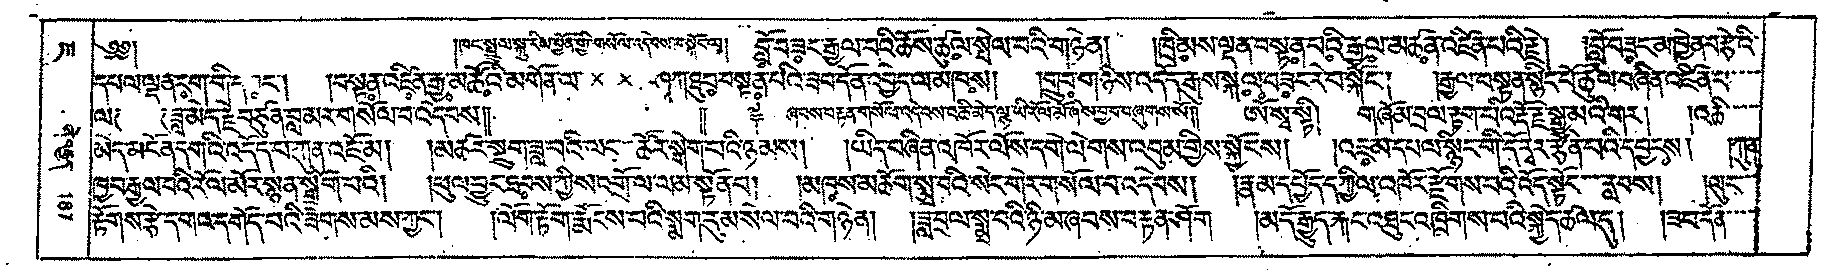༄༅། །ཁང་སྤྲུལ་སྐུ་རིམ་བྱོན་གྱི་གསོལ་འདེབས་ཁ་སྐོང་ལ། བློ་བཟང྾་རྒྱལ་བའི་ཆོས་ཚུལ྾་སྤེལ་བའི་གཉེན། །ཁྲིམས྾་ལྡན་བསྟན྾་པའི྾་རྒྱལ྾་མཚན྾་འཛིན་པའི་རྗེ། །བློ྾་བཟང྾་མཁྱེན་བརྩེའི་
དཔལ་ལྡན་ངག྾་གི་དབང྾། །བསྟན྾་འཛིན྾་རྒྱ྾་མཚོའི྾་མགོན་ལ་྾་྾་྾་ཤཱཀ་ཐུབ྾་བསྟན྾་པའི་ཟབ་དོན་འབྱེད་ལ་མཁས྾། །གྲུབ྾་གཉིས་འདོད་རྒུས་སྐལ྾་བཟང྾་རེ་བ་སྐོང་། །རྒྱལ་བསྟན་སྙིང་པོ་ཚུལ་བཞིན་འཛིན་པ་
ལ༑ ༑ཟླ་མེད་རྗེ་བཙུན་བླ་མར་གསོལ་བ་འདེབས།། །། ༈ ཞབས་བརྟན་གསོལ་འདེབས་འཆི་མེད་ལྷ་ཡི་རོལ་མོ་ཞེས་བྱ་བ་བཞུགས་སོ།  །ཨོཾ་སྭ་སྟི། གཞོམ་བྲལ་རྟག་པའི་རྡོ་རྗེ་སྒྱུ་མའི་གར། །འཆི་
མེད་མངོན་དགའི་འདོད་པ་ཀུན་འཇོ་མ། །མཚར་སྡུག་ཟླ་པའི་ལང་ཚོར་སྒེག་པའི་ཉམས། །ཡིད་བཞིན་འཁོར་ལོས་དགེ་ལེགས་འབུམ་གྱིས་སྐྱོངས། །འཇམ྾་དཔལ་སྙིང་གི་དོ་རྭར་རྩེན་པའི་དབྱངས྾། །ཀུན་
ཁྱབ་རྒྱལ་བའི་རོལ་མོར་སྙན་སྒྲོག་པའི། །ཕུལ་བྱུང་ཐབས྾་ཀྱིས་འགྲོ་ལ་ལམ་སྟོན་པ། །མཁས྾་མཆོག་སྨྲ་བའི་སེང་གེར་གསོལ་བ་འདེབས། །རྣམ་དཔྱོད་དཀྱིལ་འཁོར་རྫོགས་པའི་འོད་སྟོང་རླབས། །ལུང་
རྟོགས་རྩེ་དགའ་དགོད་པའི་ཟེགས་མས་ཀྱང་། །ལོག་རྟོག་རྨོངས་པའི་སྨག་རུམ་སེལ་བའི་གཉེན། །ཟླ་བྲལ་སྨྲ་བའི་ཉི་མ་ཞབས་བརྟན་ཤོག །མདོ་རྒྱུད་རྐང་འཐུང་འཁྲིགས་པའི་སྐྱེད་ཚལ་དུ། །ཟབ་དོན་